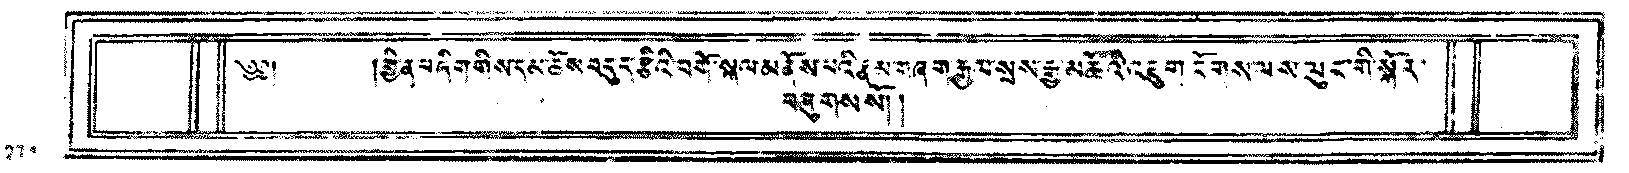༄༅། །གྱི་ན་པ་ཞིག་གིས་དམ་ཆོས་བདུད་རྩིའི་བགོ་སྐལ་མནོས་པའི་རྣམ་གཞག་རྒྱལ་སྲས་རྒྱ་མཚོའི་འཇུག་ངོགས་ལས་ལུང་གི་སྐོར་
བཞུགས་སོ། །